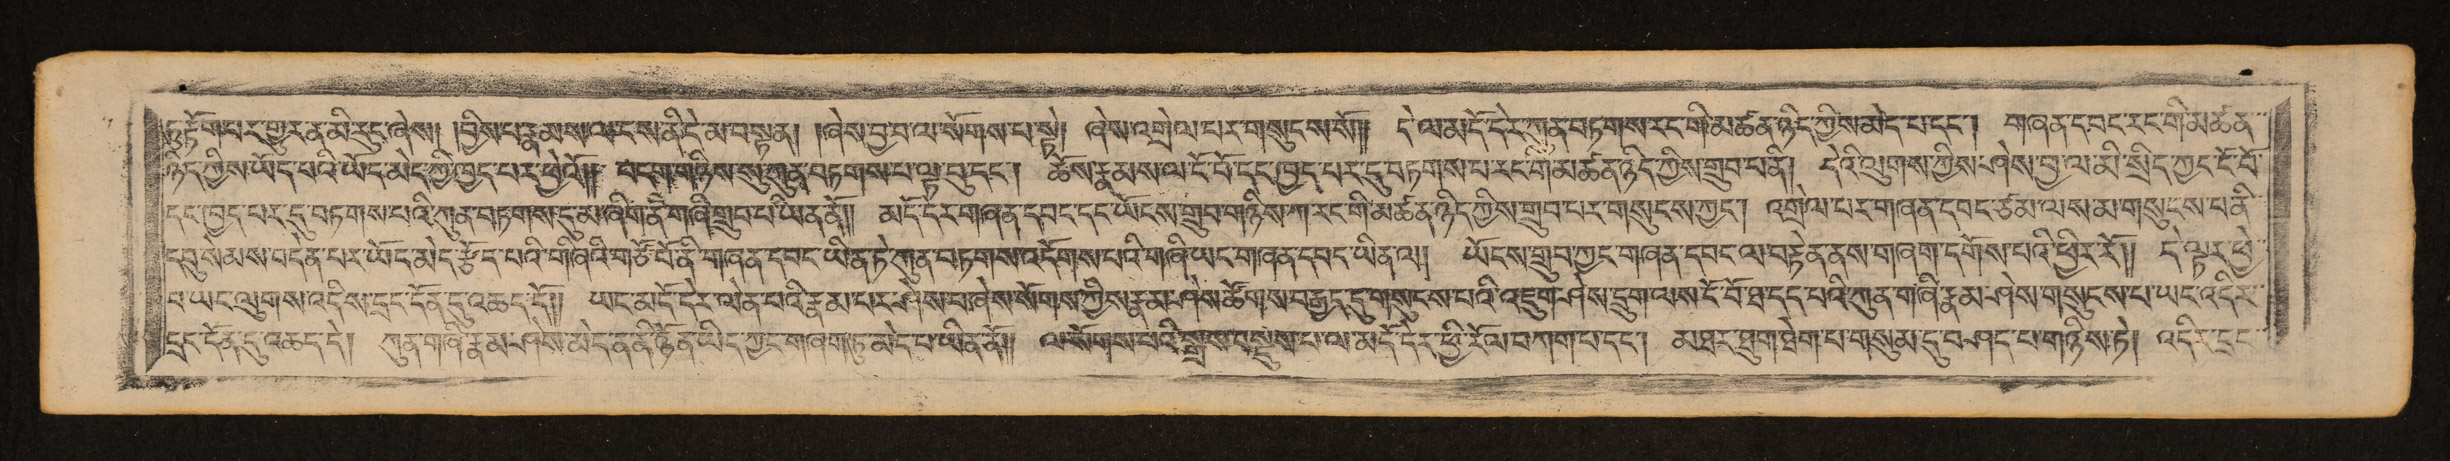ཏུ་རྟོག་པར་གྱུར་ན་མི་རུང་ཞེས། །བྱིས་པ་རྣམས་ལ་ངས་ནི་དེ་མ་བསྟན། །ཞེས་བྱ་བ་ལ་སོགས་པ་སྟེ། ཞེས་འགྲེལ་པར་གསུངས་སོ།། དེ་ལ་མདོ་དེར་ཀུན་བརྟགས་རང་གི་མཚན་ཉིད་ཀྱིས་མེད་པ་དང་། གཞན་དབང་རང་གི་མཚན་
ཉིད་ཀྱིས་ཡོད་པའི་ཡོད་མེད་ཀྱི་ཁྱད་པར་ཕྱེའོ།། བདག་གཉིས་སུ་ཀུན་བརྟགས་པ་ལྟ་བུ་དང་། ཆོས་རྣམས་ལ་ངོ་བོ་དང་ཁྱད་པར་དུ་བཏགས་པ་རང་གི་མཚན་ཉིད་ཀྱིས་གྲུབ་པ་ནི། དེའི་ལུགས་ཀྱིས་ཤེས་བྱ་ལ་མི་སྲིད་ཀྱང་ངོ་བོ་
དང་ཁྱད་པར་དུ་བཏགས་པའི་ཀུན་བརྟགས་དུ་མ་ཞིག་ནི་གཞི་གྲུབ་པ་ཡིན་ནོ།། མདོ་དེར་གཞན་དབང་དང་ཡོངས་གྲུབ་གཉིས་ཀ་རང་གི་མཚན་ཉིད་ཀྱིས་གྲུབ་པར་གསུངས་ཀྱང་། འགྲེལ་པར་གཞན་དབང་ཙམ་ལས་མ་གསུངས་པ་ནི་
དབུ་སེམས་བདེན་པར་ཡོད་མེད་རྩོད་པའི་གཞིའི་གཙོ་བོ་ནི་གཞན་དབང་ཡིན་ཏེ་ཀུན་བཏགས་འདོགས་པའི་གཞི་ཡང་གཞན་དབང་ཡིན་ལ། ཡོངས་གྲུབ་ཀྱང་གཞན་དབང་ལ་བརྟེན་ནས་གཞག་དགོས་པའི་ཕྱིར་རོ།། དེ་ལྟར་ཕྱེ་
བ་ཡང་ལུགས་འདིས་དྲང་དོན་དུ་འཆད་དོ།། ཡང་མདོ་དེར་ལེན་པའི་རྣམ་པར་ཤེས་པ་ཞེས་སོགས་ཀྱིས་རྣམ་ཤེས་ཚོགས་བརྒྱད་དུ་གསུངས་པའི་འཇུག་ཤེས་དྲུག་ལས་ངོ་བོ་ཐ་དད་པའི་ཀུན་གཞི་རྣམ་ཤེས་གསུངས་པ་ཡང་འདིར་
དྲང་དོན་དུ་འཆད་དེ། ཀུན་གཞི་རྣམ་ཤེས་མེད་ན་ནི་ཉོན་ཡིད་ཀྱང་གཞག་ཏུ་མེད་པ་ཡིན་ནོ།། ལ་སོགས་པའི་སྒྲས་བསྡུས་པ་ལ་མདོ་དེར་ཕྱི་རོལ་བཀག་པ་དང་། མཐར་ཐུག་ཐེག་པ་གསུམ་དུ་བཤད་པ་གཉིས་ཏེ། འདིར་དྲང་